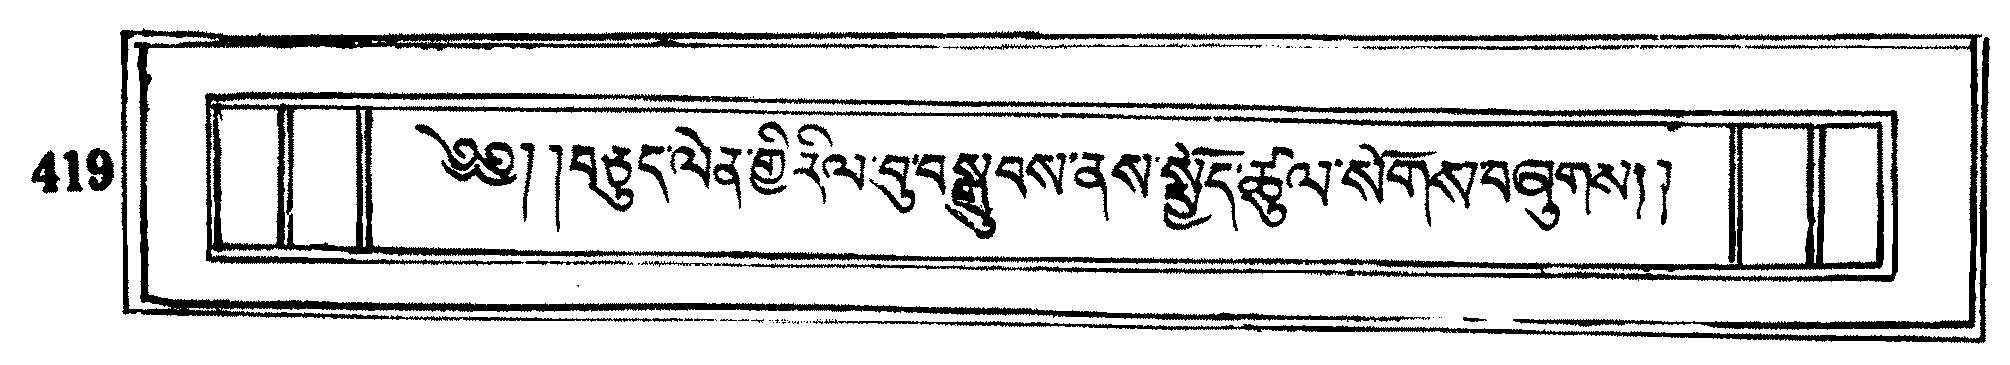༄༅། །བཅུད་ལེན་གྱི་རིལ་བུ་བསྒྲུབས་ནས་སྤྱོད་ཚུལ་སོགས་བཞུགས།།